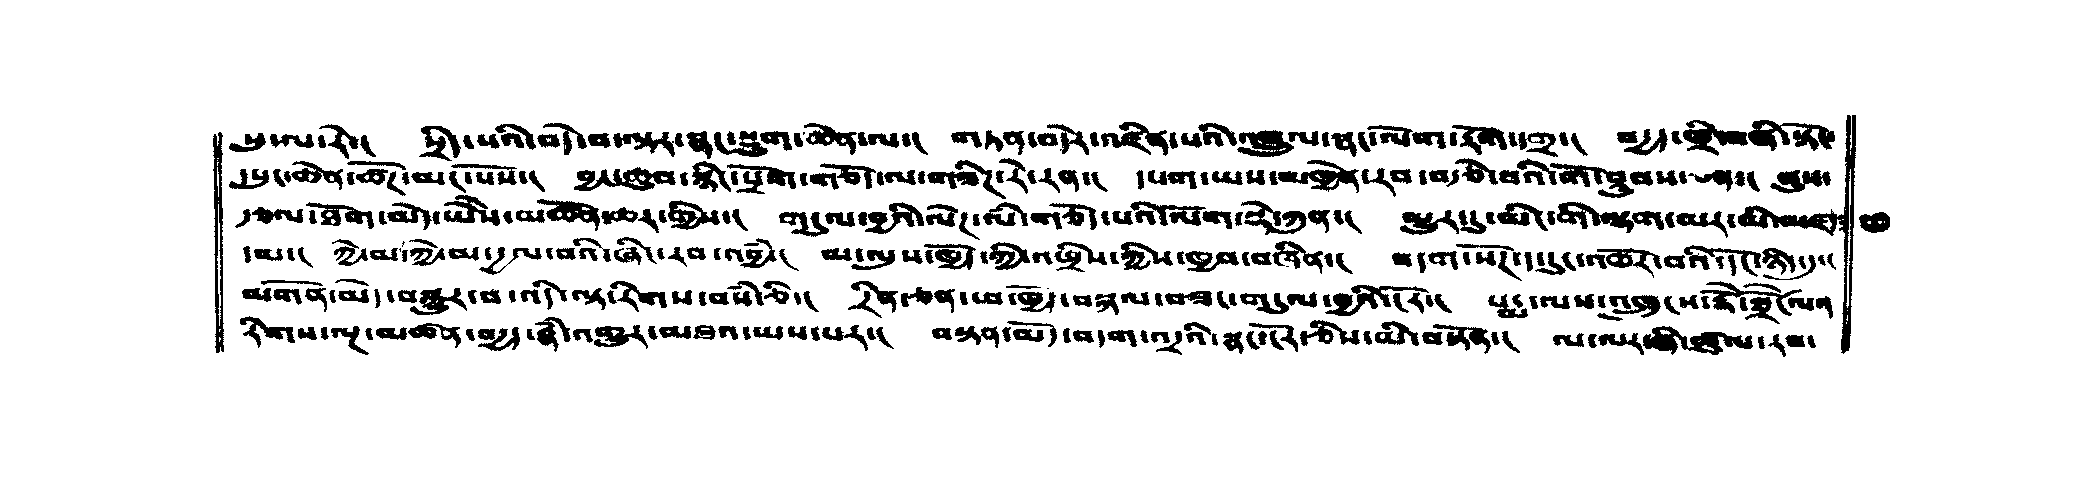སུ་ལ་རེ། །སྲིད་པའི་བདེ་བ་ལྟར་སྣང་སྡུག་ཆེན་ལ། །གཏན་བདེར་འཛིན་པའི་འཁྲུལ་སྣང་ལོག་རྟོག་དགྲ། །བརྒྱད་ཁྲི་བཞི་སྟོང་
དཔུང་ཆེན་ཚོགས་མང་པོས། །བྱང་ཆུབ་སྙིང་སྲོག་གཅོད་ལ་གཟིགས་རེ་རན། །དཔག་ཡས་མཁྱེན་རབ་བརྩེ་བའི་གོ་ཤུབ་ཅན། །ནུས་
རྩལ་ཐོག་མེད་ཡེ་ཤེས་མཚོན་ཆར་གྱིས། །གདུལ་བྱའི་ལེགས་ལམ་གཅོད་པའི་ལོག་སྡེ་ཀུན། །མྱུར་དུ་མིང་གི་ལྷག་མར་མི་མཛད་
དམ། །ཀྱེ་མ་ཀྱེ་མ་རྒྱལ་བའི་ཞིང་རབ་འབྱམས། །མ་ལུས་ཁྱོད་ཀྱི་འཕྲིན་ལས་ཀྱིས་ཁྱབ་བཞིན། །བདག་སོགས་ད་དུང་འཁོར་བའི་དོང་ཉིད་དུ། །
མགོན་མེད་བསྐྱུར་བ་འདི་ལྟ་རིགས་སམ་ཅི། །དྲིན་ཅན་ཕ་ཁྱོད་སྐལ་བཟང་གདུལ་བྱའི་ངོར། །པདྨ་ལས་འཁྲུངས་རྡོ་རྗེ་ཐོད་ཕྲེང་རྩལ། །
རིགས་ལྔ་མཚན་བརྒྱད་རྣམ་འགྱུར་མཐའ་ཡས་པར། །བསྟན་མོད་བདག་འདྲའི་སྣང་ངོར་ཅིས་མི་བསྟོན། །ལ་ལར་ཞི་ཚུལ་རབ་